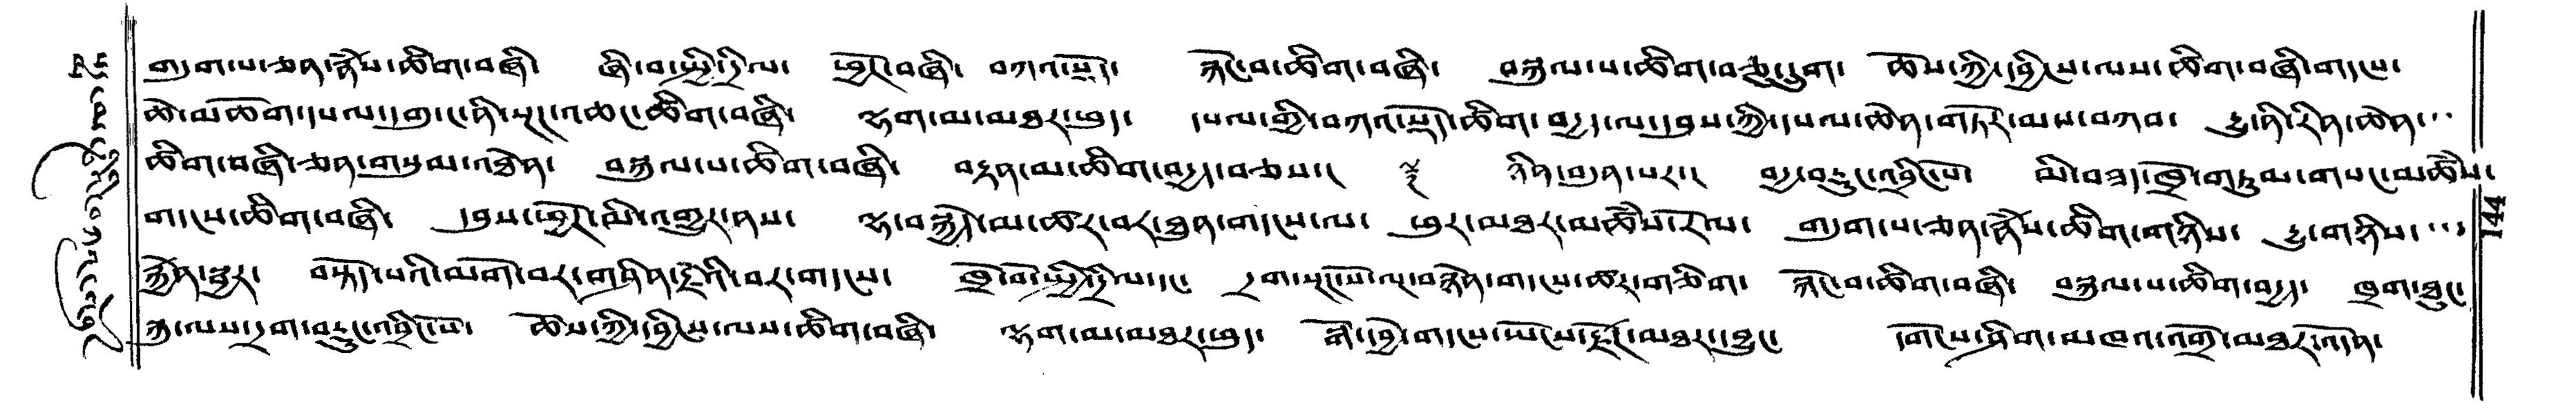གདུག་པ་ཅན་རྣམས༴ ཚིག་བཞི། ཞི་བ་སྤྱི་དྲིལ། ཕྱོགས་བཞི། བཀའ་སྡོད། སྐོང་བ་ཚིག་བཞི། སྐུལ་པ་ཚིག་བཅུ་དྲུག ཆོས་ཀྱི་དབྱིངས་ལས༴ ཚིག་བཞི་གདངས། 
ཆེ་མཆོག་དཔལ་དགུ༴ ང་ནི་སྔགས་འཆང༴ ཚིག་བཞི། ལྷག་མ་མཐར་ཕུད། དཔལ་གྱི་བཀའ་སྡོད༴ ཚིག་བརྒྱད་ལ་དབུས་ཀྱི་དཔལ་ཆེན་གཏོར་མས་དགབ། རྒྱུ་ནི་རིན་ཆེན༴ 
ཚིག་བཞི་ཅན་གསུམ་འཐེན། སྐུལ་པ་ཚིག་བཞི། བརྟན་མ་ཚིག་བརྒྱད་བཅས། ༈ ཉིན་བདུན་པར། བརྒྱ་རྡུང་འབྲིང་པོ། མི་བཟད་ཁྲོ་གཏུམ༴ གསང་མཚམས་
གདངས་ཚིག་བཞི། དབུས་ཕྱོགས་མི་འགྱུར༴ ནས། ལྷ་སྐྱེད་མ་ཚར་བར་ཐུན་གདངས་ལ། ཕུར་མཐར་མཚམས་རོལ། གདུག་པ་ཅན་རྣམས༴ ཚིག་གཉིས། རྒྱུ་གཉིས་
རྐྱེན་སྦྱར༴ བསྟོད་པའི་མགོ་བར་གཤིན་རྗེའི་བར་གདངས། ཁྲོ་བོ་སྤྱི་དྲིལ་དང་། དྲག་སྔགས་སོ་ལྔ་སྙེན་གདངས་ཚར་གཅིག སྐོང་བ་ཚིག་བཞི། སྐུལ་པ་ཚིག་བརྒྱད། ཁྲག་འཐུང་
སྐུ་ལས༴དྲག་རྡུང་འབྲིང་པོ། ཆོས་ཀྱི་དབྱིངས་ལས༴ ཚིག་བཞི། ལྷག་མ་མཐར་ཕུད། སྒོ་དབྱེ་གདངས་ཡོངས་རྫོགས་མཐར་དབྱུང་། དགོངས་ཤིག་མཁའ་འགྲོ༴ མཐར་འདོན།